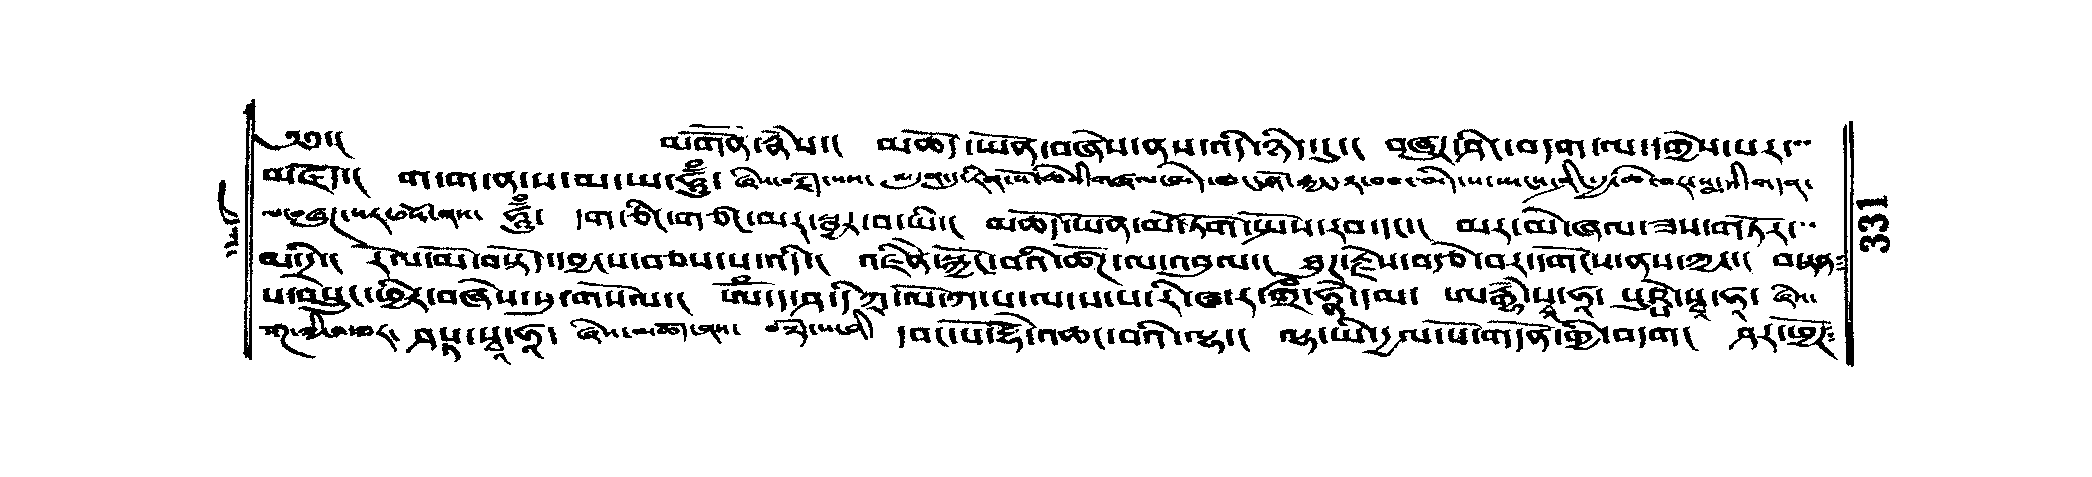མགོན་པོ་རྣམས། །མཆོད་ཡོན་བཞེས་ནས་འདི་ཉིད་དུ། །བཞུགས་ཤིང་བདག་ལ་དགྱེས་པར་
མཛོད། །ག་ག་ན་ས་མ་ཡ་ཧཱུྃ། ཞེས་བརྗོད་པས། མདུན་དུ་རིན་པོ་ཆེའི་གཞལ་མེད་ཁང་སྒོ་ཀྱང་རྟ་བབ་མེད་པ་ཡངས་ཤིང་རྒྱ་ཆེ་བར་པདྨའི་གདན་
ལ་བཞུགས་པར་བསམ་ནས། ཧཱུྃ། དག་ཅིང་གཙང་མར་སྦྱར་བ་ཡི། །མཆོད་ཡོན་མེ་ཏོག་སྤོས་རབ་དང་། །མར་མེ་ཞལ་ཟས་གཏོར་
མ་དྲི། །རོལ་མོ་བསྟོད་དབྱངས་བཅས་པ་འདི། །འཇིག་རྟེན་སྐྱོང་བའི་ཚོགས་ལ་འབུལ། །ཐུགས་རྗེས་བརྩེ་བར་དགོངས་ནས་ཀྱང་། །བསྟན་
པ་བསྲུང་ཕྱིར་བཞེས་སུ་གསོལ། ཨོཾ་ད་ཤ་དི་ཀ་ལོ་ཀ་པ་ལ་ས་པ་རི་ཝ་ར་གྲྀ་ཧྣེ་དམ། ཨརྒྷཾ་སྭ་ཧཱ། པུཥྤེ་སྭ་ཧཱ། ཞེས་སོགས་ཀྱི་མཐར། ཤཔྡ་སྭཱ་ཧཱ། ཞེས་
མཆོད་ནས། བསྟོད་པ་ནི། དབང་པོ་རྡོ་རྗེ་འཆང་བའི་ལྷ། །ལྷ་ཡི་རྒྱལ་པོ་གདོན་གྱི་བདག །ཤར་ཕྱོགས་